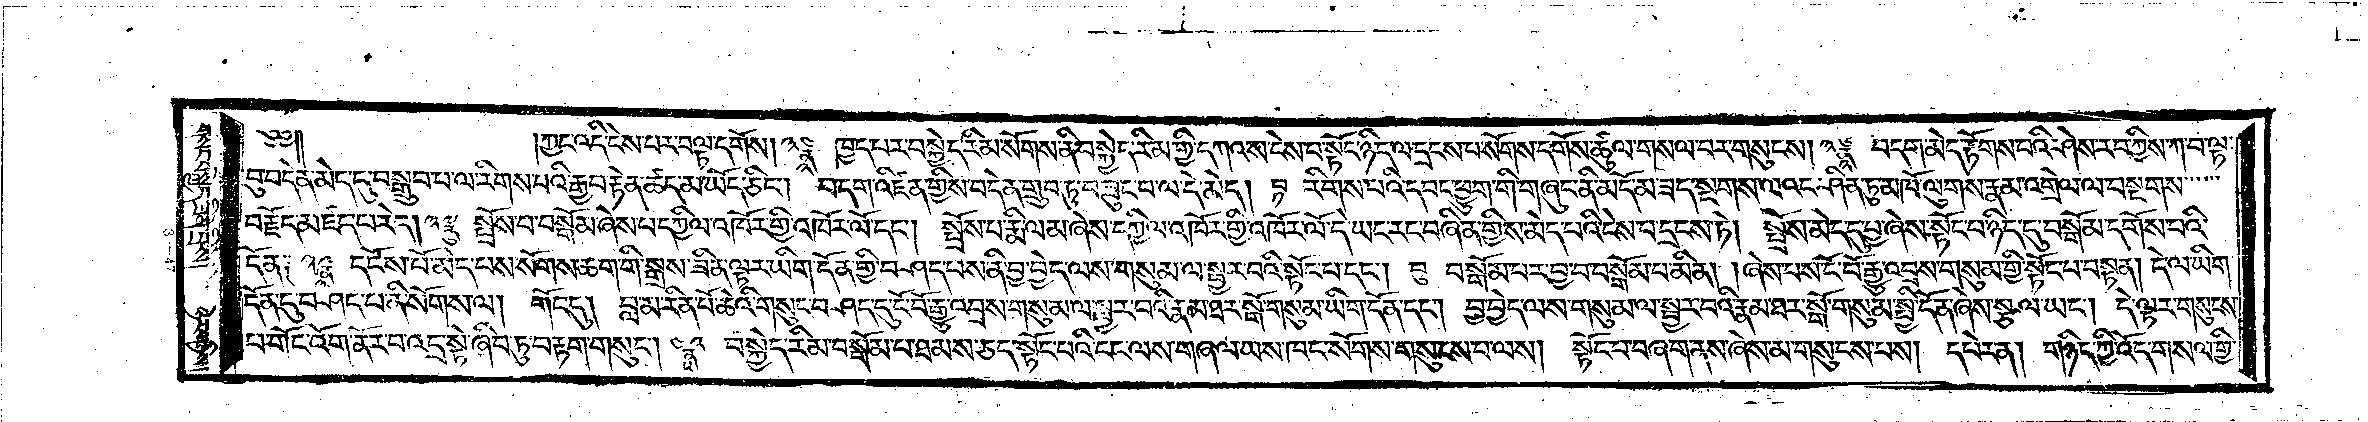༄༅། །ཀྱང་འདི་ངེས་པར་བལྟ་དགོས། ༣༤ན༢་ཁྱད་པར་བསྐྱེད་རིམ་སོགས་ནི་བསྐྱེད་རིམ་གྱི་དཀའ་ས་ངེས་པ་སྟོང་ཉིད་ལ་དྲངས་པ་སོགས་དགོས་ཚུལ་གསལ་བར་གསུངས། ༣༦ན༢་བདག་མེད་རྟོགས་པའི་ཤེས་རབ་ཀྱིས་ཀ་བ་ལྟ་
བུ་བདེན་མེད་དུ་བསྒྲུབ་པ་ལ་རིགས་པའི་རྒྱབ་རྟེན་ཚད་མ་ཡོད་ཅིང་། བདག་འཛིན་གྱིས་བདེན་གྲུབ་ཏུ་བཟུང་བ་ལ་དེ་མེད། བ༡་རིགས་པའི་དབང་ཕྱུག་གི་གཞུང་ནི་མདོ་མ་ཟད་སྔགས་ལའང་ཤིན་ཏུ་མཁོ་ལུགས་རྣམ་འགྲེལ་ལ་བསྔགས་
བརྗོད་མཛད་པ་རེད། ༣༧ན༦་སྤྲོས་པ་བསྒོམ་ཞེས་པ་དཀྱིལ་འཁོར་གྱི་འཁོར་ལོ་དང་། སྤྲོས་པ་རྨི་ལམ་ཞེས་དཀྱིལ་འཁོར་གྱི་འཁོར་ལོ་དེ་ཡང་རང་བཞིན་མེད་པའི་ངེས་པ་དྲངས་ཏེ། སྤྲོས་མེད་དུ་བྱ་ཞེས་སྟོང་པ་ཉིད་དུ་བསྒོམ་དགོས་པའི་
དོན༑ ༣༩ན༣་དངོས་པོ་མེད་པས་སོགས་ཆག་གི་སྒྲས་ཟིན་ལྟར་ཡིག་དོན་གྱི་བཤད་པས་ནི་བྱ་བྱེད་ལས་གསུམ་ལ་སྦྱར་བའི་སྟོང་པ་དང་། བ༦་བསྒོམ་པར་བྱ་བ་བསྒོམ་པ་མིན། །ཞེས་བས་ངོ་བོ་རྒྱུ་འབྲས་གསུམ་གྱི་སྟོང་པ་བསྟན། དེ་ལ་ཡིག་
དོན་དུ་བཤད་པ་ནི་སོགས་ལ། གོང་དུ། བླ་མ་རིན་པོ་ཆེའི་གསུང་བཤད་དུ་ངོ་བོ་རྒྱུ་འབྲས་གསུམ་ལ་སྦྱར་བའི་རྣམ་ཐར་སྒོ་གསུམ་ཡིག་དོན་དང་། བྱ་བྱེད་ལས་གསུམ་ལ་སྦྱར་བའི་རྣམ་ཐར་སྒོ་གསུམ་སྤྱི་དོན་ཞེས་སྩལ་ཡང་། དེ་ལྟར་གསུངས་
པ་གོང་འོག་ནོར་བ་འདྲ་སྟེ་ཞིབ་ཏུ་བརྟག་གསུང་། ༤༢ན༥་བསྐྱེད་རིམ་བསྒོམ་པ་ཐམས་ཅད་སྟོང་པའི་ངང་ལས་གཞལ་ཡས་ཁང་སོགས་གསུངས་པ་ལས། སྟོང་པ་བཞག་ནས་ཞེས་མ་གསུངས་པས། དཔེར་ན། གཉིད་ཀྱི་འོད་གསལ་གྱི་